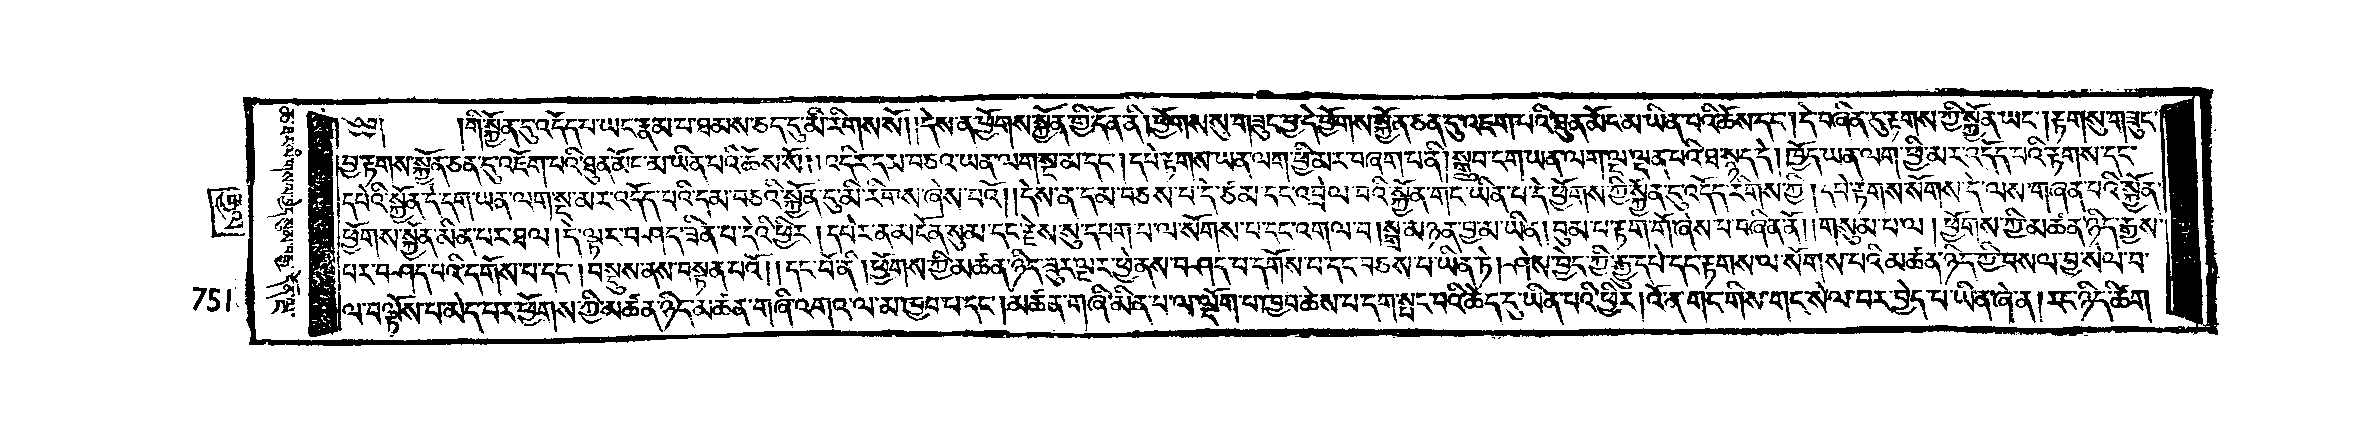༄༅། །གི་སྐྱོན་དུ་འདོད་པ་ཡང་རྣམ་པ་ཐམས་ཅད་དུ་མི་རིགས་སོ། །དེས་ན་ཕྱོགས་སྐྱོན་གྱི་དོན་ནི། ཕྱོགས་སུ་གཟུང་བྱ་དེ་ཕྱོགས་སྐྱོན་ཅན་དུ་འཇོག་པའི་ཐུན་མོང་མ་ཡིན་པའི་ཆོས་དང་། དེ་བཞིན་དུ་རྟགས་ཀྱི་སྐྱོན་ཡང་། རྟགས་སུ་གཟུང་
བྱ་རྟགས་སྐྱོན་ཅན་དུ་འཇོག་པའི་ཐུན་མོང་མ་ཡིན་པའི་ཆོས་སོ། །འདིར་དམ་བཅའ་ཡན་ལག་སྔ་མ་དང་། དཔེ་རྟགས་ཡན་ལག་ཕྱི་མར་བཞག་པ་ནི། སྒྲུབ་ངག་ཡན་ལག་ལྔ་ལྡན་པའི་ཐ་སྙད་དེ། ཁྱོད་ཡན་ལག་ཕྱི་མར་འདོད་པའི་རྟགས་དང་
དཔེའི་སྐྱོན་དེ་དག་ཡན་ལག་སྔ་མར་འདོད་པའི་དམ་བཅའི་སྐྱོན་དུ་མི་རིགས་ཞེས་པའོ། །དེས་ན་དམ་བཅས་པ་དེ་ཙམ་དང་འབྲེལ་བའི་སྐྱོན་གང་ཡིན་པ་དེ་ཕྱོགས་ཀྱི་སྐྱོན་དུ་འདོད་རིགས་ཀྱི། དཔེ་རྟགས་སོགས་དེ་ལས་གཞན་པའི་སྐྱོན་
ཕྱོགས་སྐྱོན་མིན་པར་ཐལ། དེ་ལྟར་བཤད་ཟིན་པ་དེའི་ཕྱིར། དཔེར་ན་མངོན་སུམ་དང་རྗེས་སུ་དཔག་པ་ལ་སོགས་པ་དང་འགལ་བ། སྒྲ་མཉན་བྱ་མ་ཡིན། བུམ་པ་རྟག་གོ་ཞེས་པ་བཞིན་ནོ། །གསུམ་པ་ལ། ཕྱོགས་ཀྱི་མཚན་ཉིད་རྒྱས་
པར་བཤད་པའི་དགོས་པ་དང་། བསྡུས་ནས་བསྟན་པའོ། །དང་པོ་ནི། ཕྱོགས་ཀྱི་མཚན་ཉིད་ཟུར་ལྔར་ཕྱེ་ནས་བཤད་པ་དགོས་པ་དང་བཅས་པ་ཡིན་ཏེ། ཤེས་བྱེད་ཀྱི་རྒྱུ་དཔེ་དང་རྟགས་ལ་སོགས་པའི་མཚན་ཉིད་ཀྱི་བསལ་བྱ་སེལ་བ་
ལ་བལྟོས་པ་མེད་པར་ཕྱོགས་ཀྱི་མཚན་ཉིད་མཚན་གཞི་འགའ་ལ་མ་ཁྱབ་པ་དང་། མཚན་གཞི་མིན་པ་ལ་ལྡོག་པ་ཁྱབ་ཆེས་པ་དག་སྤང་བའི་ཆེད་དུ་ཡིན་པའི་ཕྱིར། འོ་ན་གང་གིས་གང་སེལ་བར་བྱེད་པ་ཡིན་ཞེ་ན། རང་ཉིད་ཚིག་